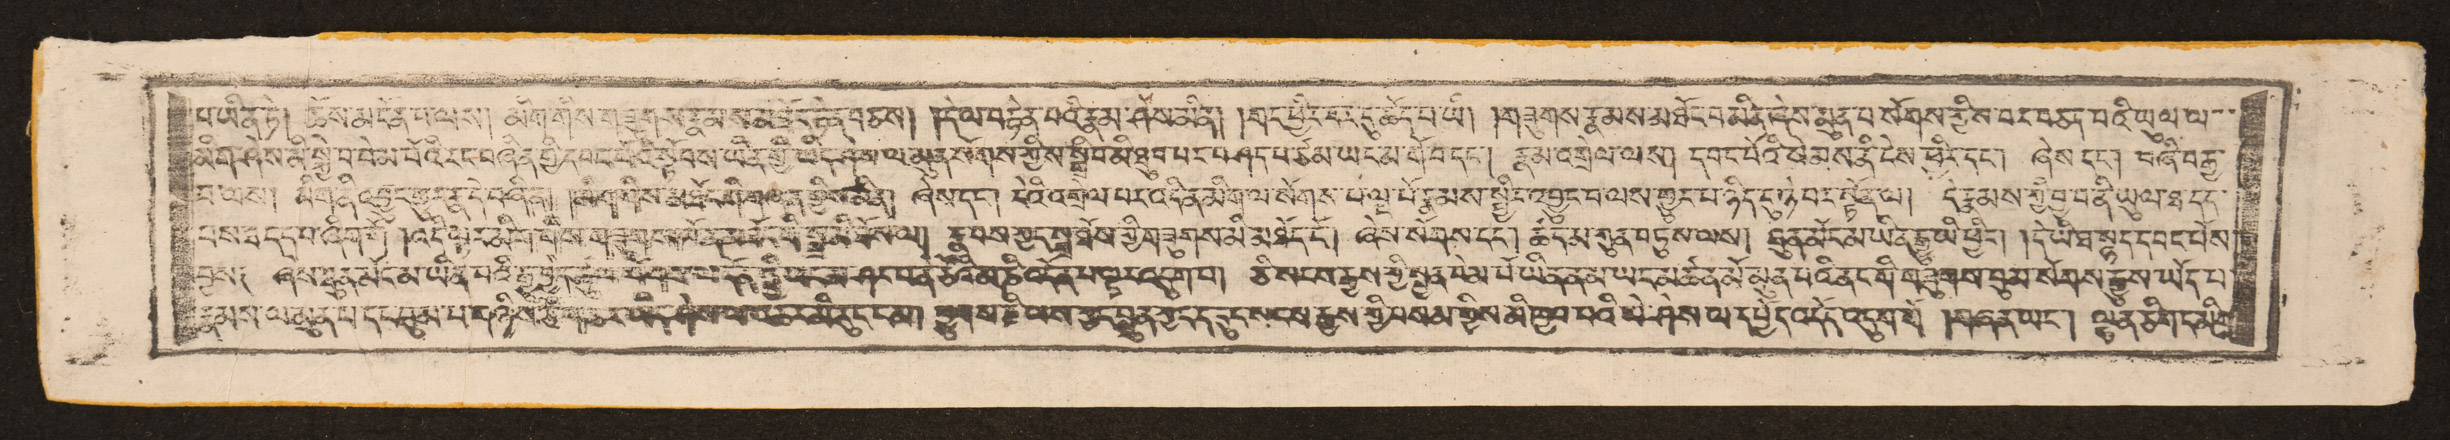པ་ཡིན་ཏེ། ཆོས་མངོན་པ་ལས། མིག་གིས་གཟུགས་རྣམས་མཐོང་རྟེན་བཅས། །དེ་ལ་བརྟེན་པའི་རྣམ་ཤེས་མིན། །གང་ཕྱིར་བར་དུ་ཆོད་པ་ཡི། །གཟུགས་རྣམས་མཐོང་བ་མིན་ཞེས་མུན་བ་སོགས་ཀྱིས་བར་བཅད་པའི་ཡུལ་ལ་
མིག་ཤེས་མི་སྐྱེ་བ་བེམ་པོའི་རང་བཞིན་གྱི་དབང་པོའི་སྟོབས་ཡིན་གྱི་ཡིད་ཤེས་ལ་མུན་སོགས་ཀྱིས་སྒྲིབ་མི་ཐུབ་པར་བཤད་པ་ཙམ་ཡང་མ་གོ་བ་དང་། རྣམ་འགྲེལ་ལས། དབང་པོའི་སེམས་ནི་ངེས་ཕྱིར་དང་། ཞེས་དང་། བཞི་བརྒྱ་
པ་ལས། མིག་ནི་འབྱུང་གྱུར་རྣ་དེ་བཞིན། །མིག་གིས་མཐོང་གི་གཞན་གྱིས་མིན། ཞེས་དང་། དེའི་འགྲེལ་པར་འདི་ན་མིག་ལ་སོགས་པ་ལྔ་པོ་རྣམས་སྤྱིར་འབྱུང་བ་ལས་གྱུར་པ་ཉིད་དུ་ཉེ་བར་སྟོན་ལ། དེ་རྣམས་ཀྱི་བྱ་བ་ནི་ཡུལ་ཐ་དད་
པས་ཐ་དད་བ་ཞིག་གོ །འདི་ལྟར་མིག་གིས་གཟུགས་ཁོ་ན་མཐོང་གི་སྒྲ་མི་ཐོས་ལ། རྣ་བས་ཀྱང་སྒྲ་ཐོས་ཀྱི་གཟུགས་མི་མཐོང་ངོ། ཞེས་སོགས་དང་། ཚད་མ་ཀུན་བཏུས་ལས། ཐུན་མོང་མ་ཡིན་རྒྱུ་ཡི་ཕྱིར། །དེ་ཡི་ཐ་སྙད་དབང་པོས་
བྱས༑ ཞེས་ཐུན་མོང་མ་ཡིན་པའི་རྒྱུ་བྱེད་ཚུལ་སོགས་ལ་དོན་སྤྱི་ཡང་མ་ཤད་བ་ནི་ཙོའི་མ་ཎི་འདོན་པ་ལྟར་འདུག་པ། ཅི་སངས་རྒྱས་ཀྱི་སྤྱན་བེམ་པོ་ཡིན་ནམ་ཡང་མཚན་མོ་མུན་པའི་ནང་གི་གཟུགས་བུམ་སོགས་རྒྱུས་ཡོད་པ་
རྣམས་ལ་མུན་པ་དང་བུམ་པ་གཉིས་ཅིག་ཅར་ཡིད་ཤེས་ལ་འཆར་མི་རུང་ངམ། ཕྱུགས་རྗི་ལས་ཀྱང་བླུན་ཀྱང་ད་རུང་སངས་རྒྱས་ཀྱི་བསམ་གྱིས་མི་ཁྱབ་པའི་ཡེ་ཤེས་ལ་དཔྱོད་འདོད་འདུག་གོ །གཞན་ཡང་། ལྷན་ཅིག་དམིགས་